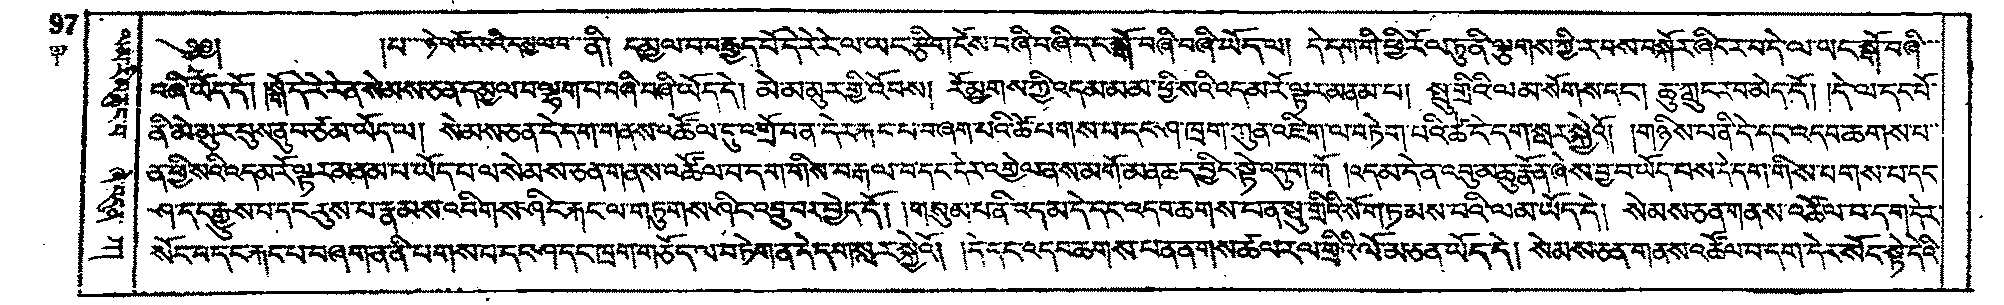༄༅། །པཉེ་འཁོར་བའི་དམྱལ་བནི། དམྱལ་བ་བརྒྱད་པོ་དེ་རེ་རེ་ལ་ཡང་རྩིག་ངོས་བཞི་བཞི་དང་སྒོ་བཞི་བཞི་ཡོད་ལ། དེ་དག་གི་ཕྱི་རོལ་ཏུ་ནི་ལྕགས་ཀྱི་ར་བས་བསྐོར་ཞིང་ར་བ་དེ་ལ་ཡང་སྒོ་བཞི་
བཞི་ཡོད་དོ། །སྒོ་དེ་རེ་རེ་ན་སེམས་ཅན་དམྱལ་བ་ལྷག་པ་བཞི་བཞི་ཡོད་དེ། མེ་མ་མུར་གྱི་འོབས། རོ་མྱགས་ཀྱི་འདམ་མམ་ཕྱི་སའི་འདམ་རོ་ལྟར་མནམ་པ། སྤུ་གྲིའི་ལམ་སོགས་དང་། ཆུ་ཀླུང་རབ་མེད་དོ། །དེ་ལ་དང་པོ་
ནི་མེ་མུར་པུས་ནུ་བ་ཙམ་ཡོད་ལ། སེམས་ཅན་དེ་དག་གནས་འཚོལ་དུ་འགྲོ་བ་ན་དེར་རྐང་པ་བཞག་པའི་ཚེ་པགས་ཕ་དང་ཤ་ཁྲག་ཀུན་འཇིག་ལ་བཏེག་པའི་ཚེ་དེ་དག་སླར་སྐྱེའོ། །གཉིས་པ་ནི་དེ་དང་འདབ་ཆགས་པ་
ན་ཕྱི་སའི་འདམ་རོ་ལྟར་མནམ་པ་ཡོད་པ་ལ་སེམས་ཅན་གནས་འཚོལ་བ་དག་གིས་བརྒལ་བ་དང་དེར་འགྱེལ་ནས་མགོ་མན་ཆད་བྱིང་སྟེ་འདུག་གོ །འདམ་དེ་ན་འབུ་མཆུ་རྣོན་ཞེས་བྱ་བ་ཡོད་པས་དེ་དག་གིས་པགས་པ་དང་
ཤ་དང་རྒྱུས་པ་དང་རུས་པ་རྣམས་འབིགས་ཤིང་རྐང་ལ་གཏུགས་ཤིང་འབྲུ་བར་བྱེད་དོ། །གསུམ་པ་ནི་འདམ་དེ་དང་འདབ་ཆགས་པ་ན་སྤུ་གྲིའི་སོ་གཏམས་པའི་ལམ་ཡོད་དེ། སེམས་ཅན་གནས་འཚོལ་བ་དག་དེར་
སོང་བ་དང་རྐང་པ་བཞག་ན་ནི་པགས་པ་དང་ཤ་དང་ཁྲག་གཅོད་ལ་བཏེག་ན་དེ་དག་སླར་སྐྱེའོ། །དེ་དང་འདབ་ཆགས་པ་ན་ནགས་ཚལ་རལ་གྲིའི་ལོ་མ་ཅན་ཡོད་དེ། སེམས་ཅན་གནས་འཚོལ་བ་དག་དེར་སོང་སྟེ་དེའི་